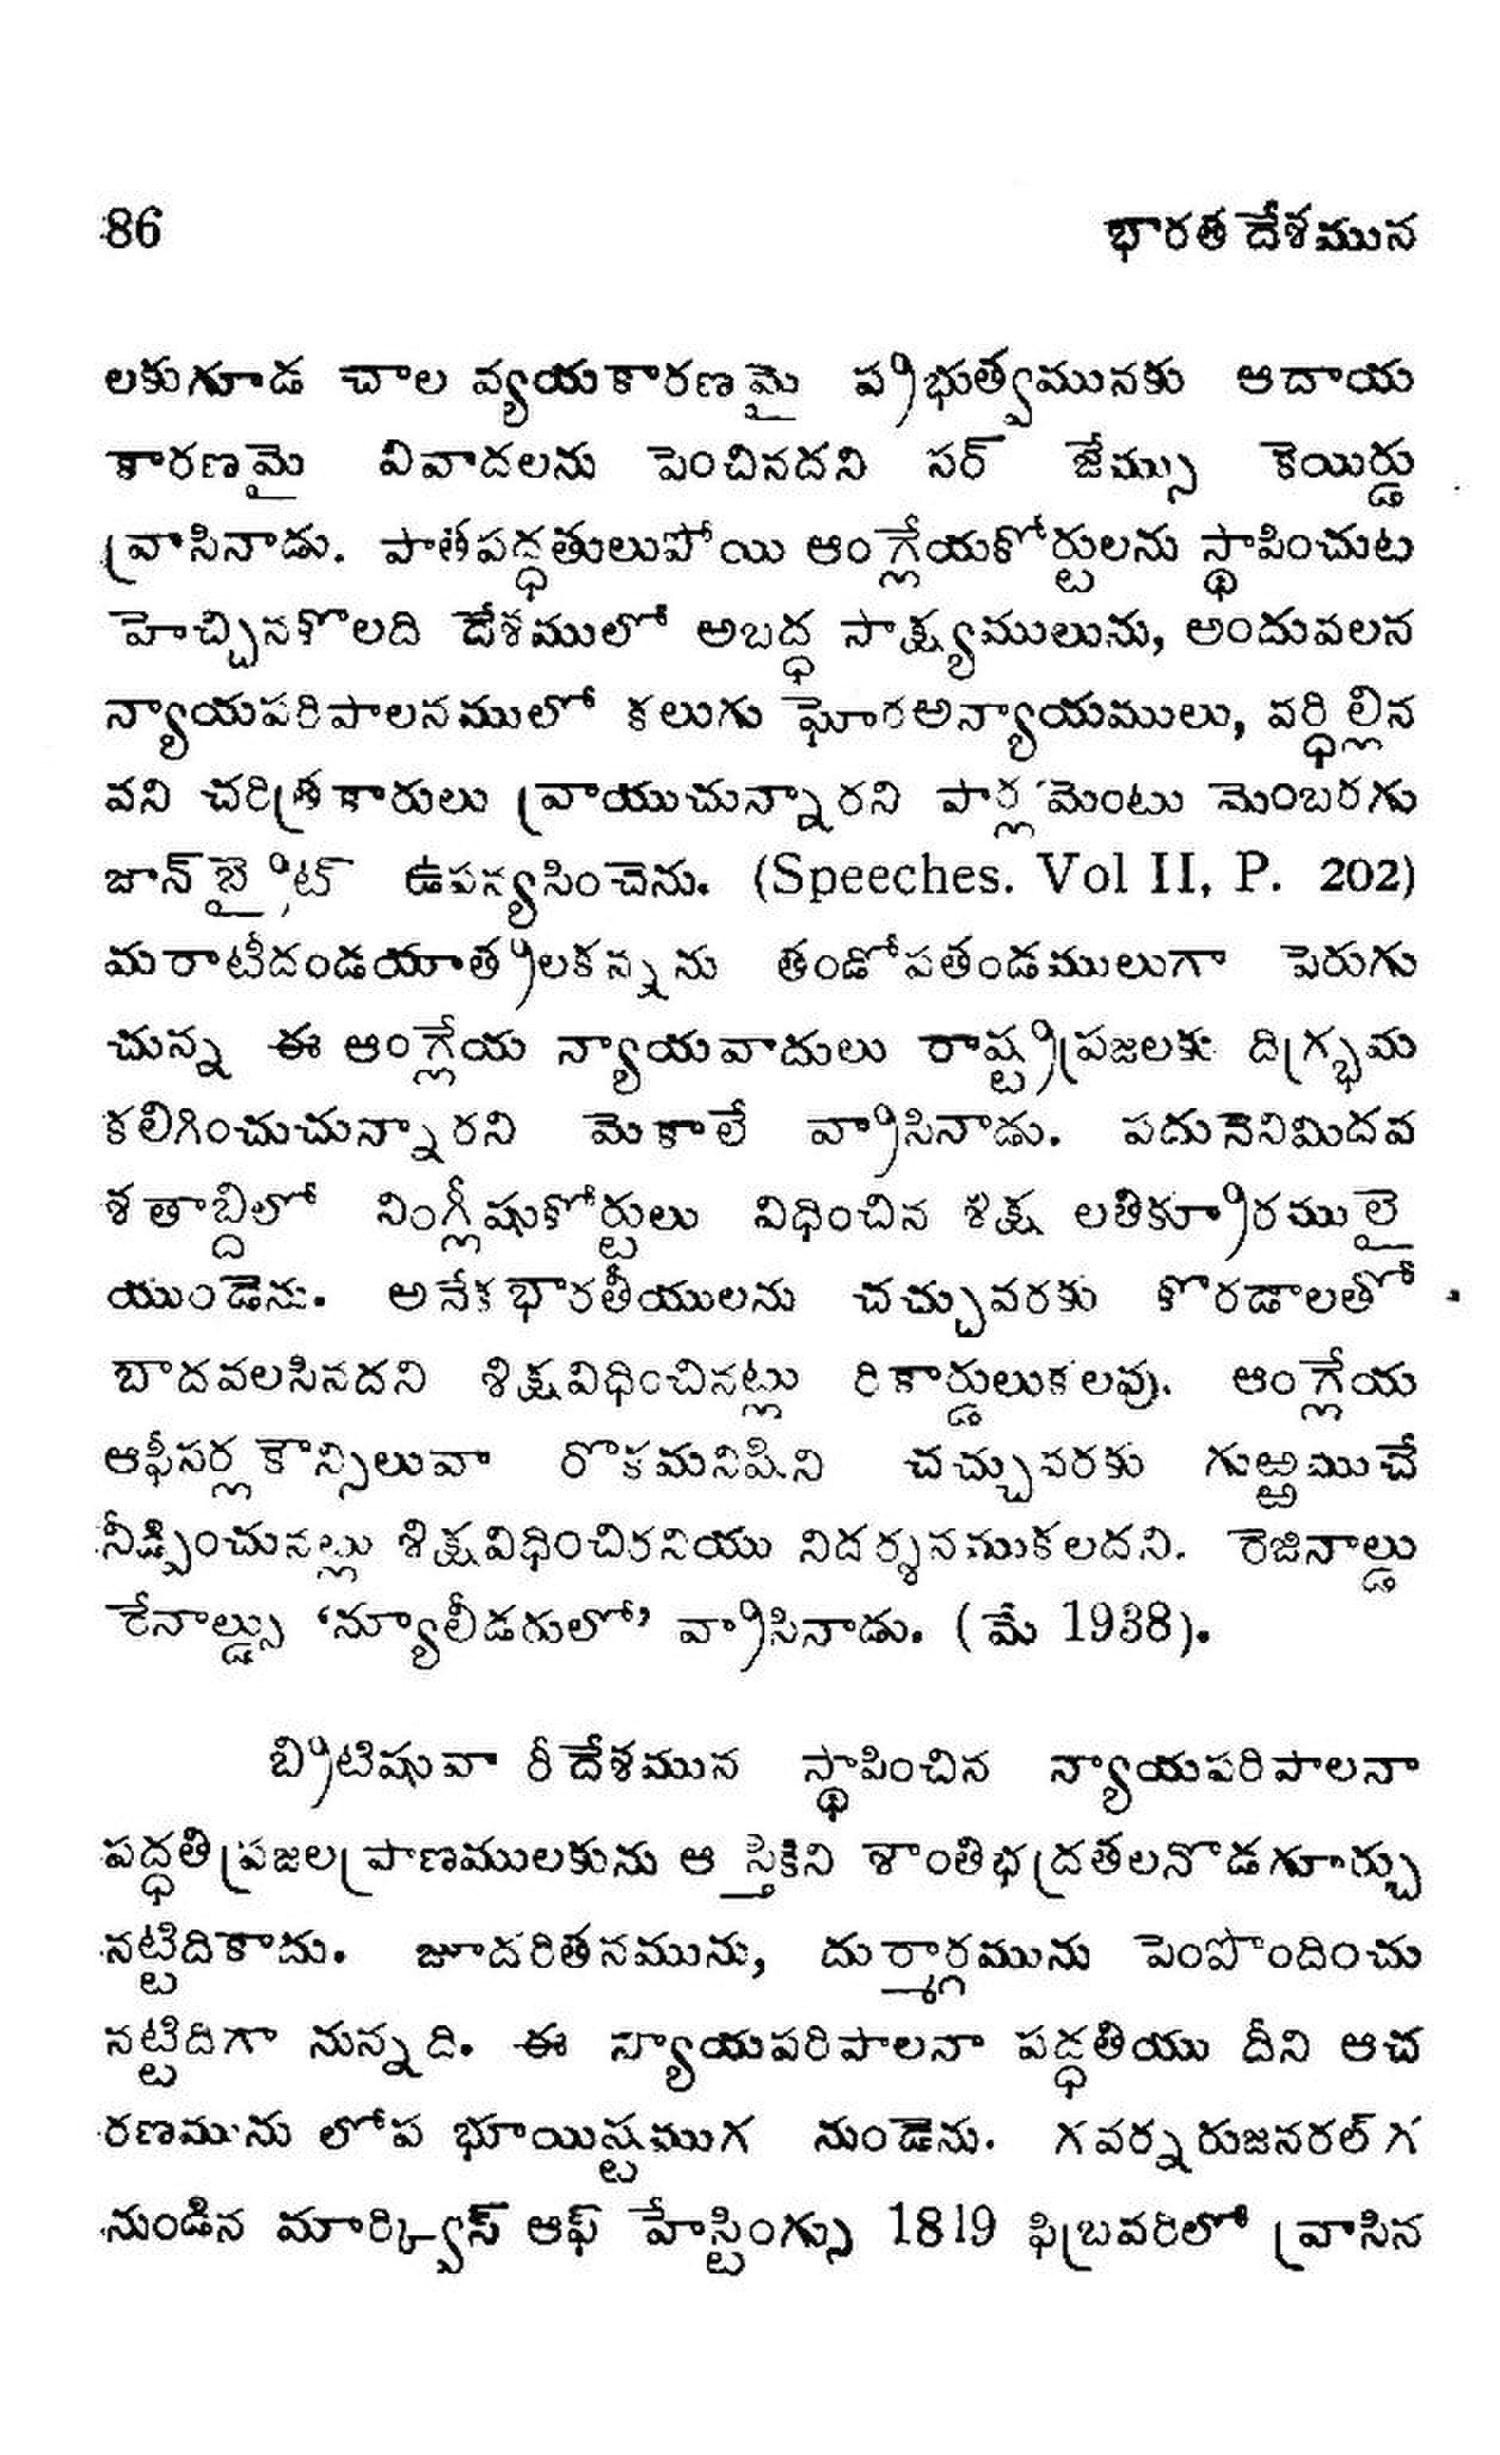లకుగూడ చాల వ్యయకారణమై ప్రభుత్వమునకు ఆదాయ కారణమై వివాదలను పెంచినదని సర్ జేమ్సు కెయిర్డు వ్రాసినాడు. పాతపద్ధతులుపోయి ఆంగ్లేయకోర్టులను స్థాపించుట హెచ్చినకొలది దేశములో అబద్ద సాక్ష్యములును, అందువలన న్యాయపరిపాలనములో కలుగు ఘోరఅన్యాయములు, వర్దిల్లినవని చరిత్రకారులు వ్రాయుచున్నారని పార్లమెంటు మెంబరగు జాన్‌బ్రైట్ ఉపన్యసించెను. (Speeches. Vol II, P. 202) మరాటీదండయాత్రలకన్నను తండోపతండములుగా పెరుగుచున్న ఈ ఆంగ్లేయ న్యాయవాదులు రాష్ట్రప్రజలకు దిగ్భ్రమ కలిగించుచున్నారని మెకాలే వ్రాసినాడు. పదునెనిమిదవ శతాబ్దిలో నింగ్లీషు కోర్టులు విధించిన శిక్ష లతిక్రూరములై యుండెను. అనేకభారతీయులను చచ్చువరకు కొరడాలతో బాదవలసినదని శిక్షవిధించినట్లు రికార్డులుకలవు, ఆంగ్లేయ ఆఫీసర్ల కౌన్సిలువా రొకమనిషిని చచ్చువరకు గుఱ్ఱముచే నీడ్పించునట్లు శిక్షవిధించిరనియు నిదర్శనముకలదని. రెజినాల్డు రేనాల్డ్సు 'న్యూలీడరులో' వ్రాసినాడు. ( మే 1938).

బ్రిటిషువా రీదేశమున స్థాపించిన న్యాయపరిపాలనా పద్ధతి ప్రజలప్రాణములకును ఆస్తికిని శాంతిభద్రతలనొడగూర్చు నట్టిదికాదు. జూదరితనమును, దుర్మార్గమును పెంపొందించు నట్టిదిగా నున్నది. ఈ న్యాయపరిపాలనా పద్ధతియు దీని ఆచరణమును లోప భూయిష్టముగ నుండెను. గవర్నరుజనరల్‌గ నుండిన మార్క్విస్ ఆఫ్ హేస్టింగ్సు 1819 ఫిబ్రవరిలో వ్రాసిన